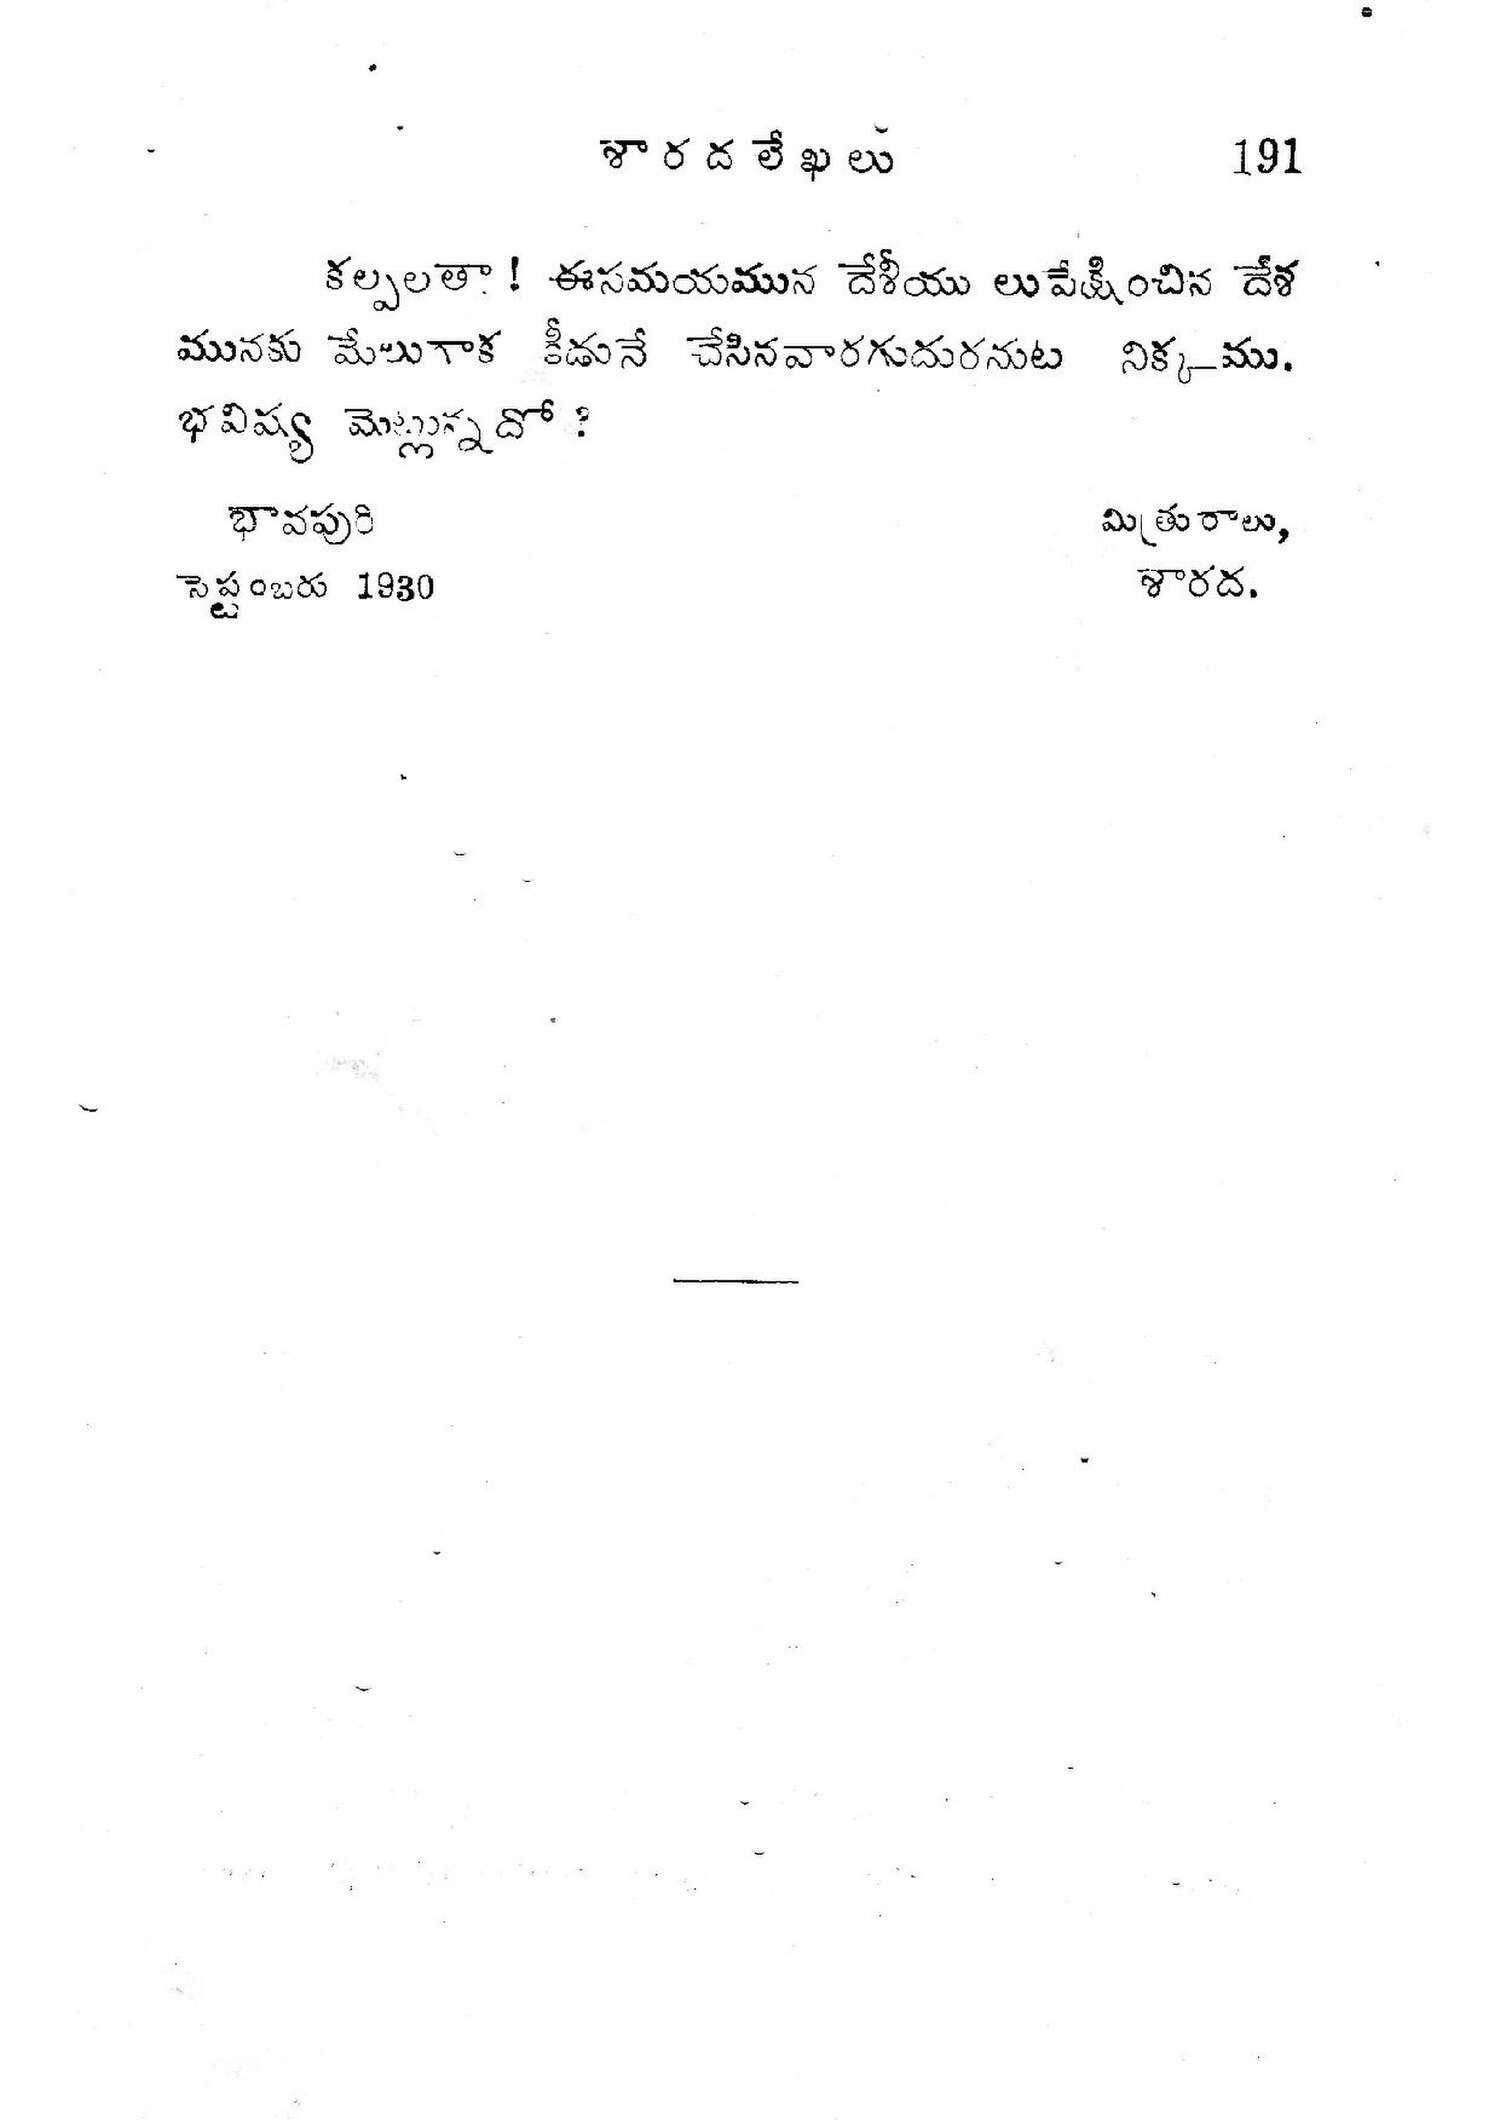కల్పలతా ! ఈసమయమున దేశీయు లుపేక్షించిన దేశమునకు మేలుగాక కీడునే చేసినవారగుదురనుట నిక్కము. భవిష్య మెట్లున్నదో ?